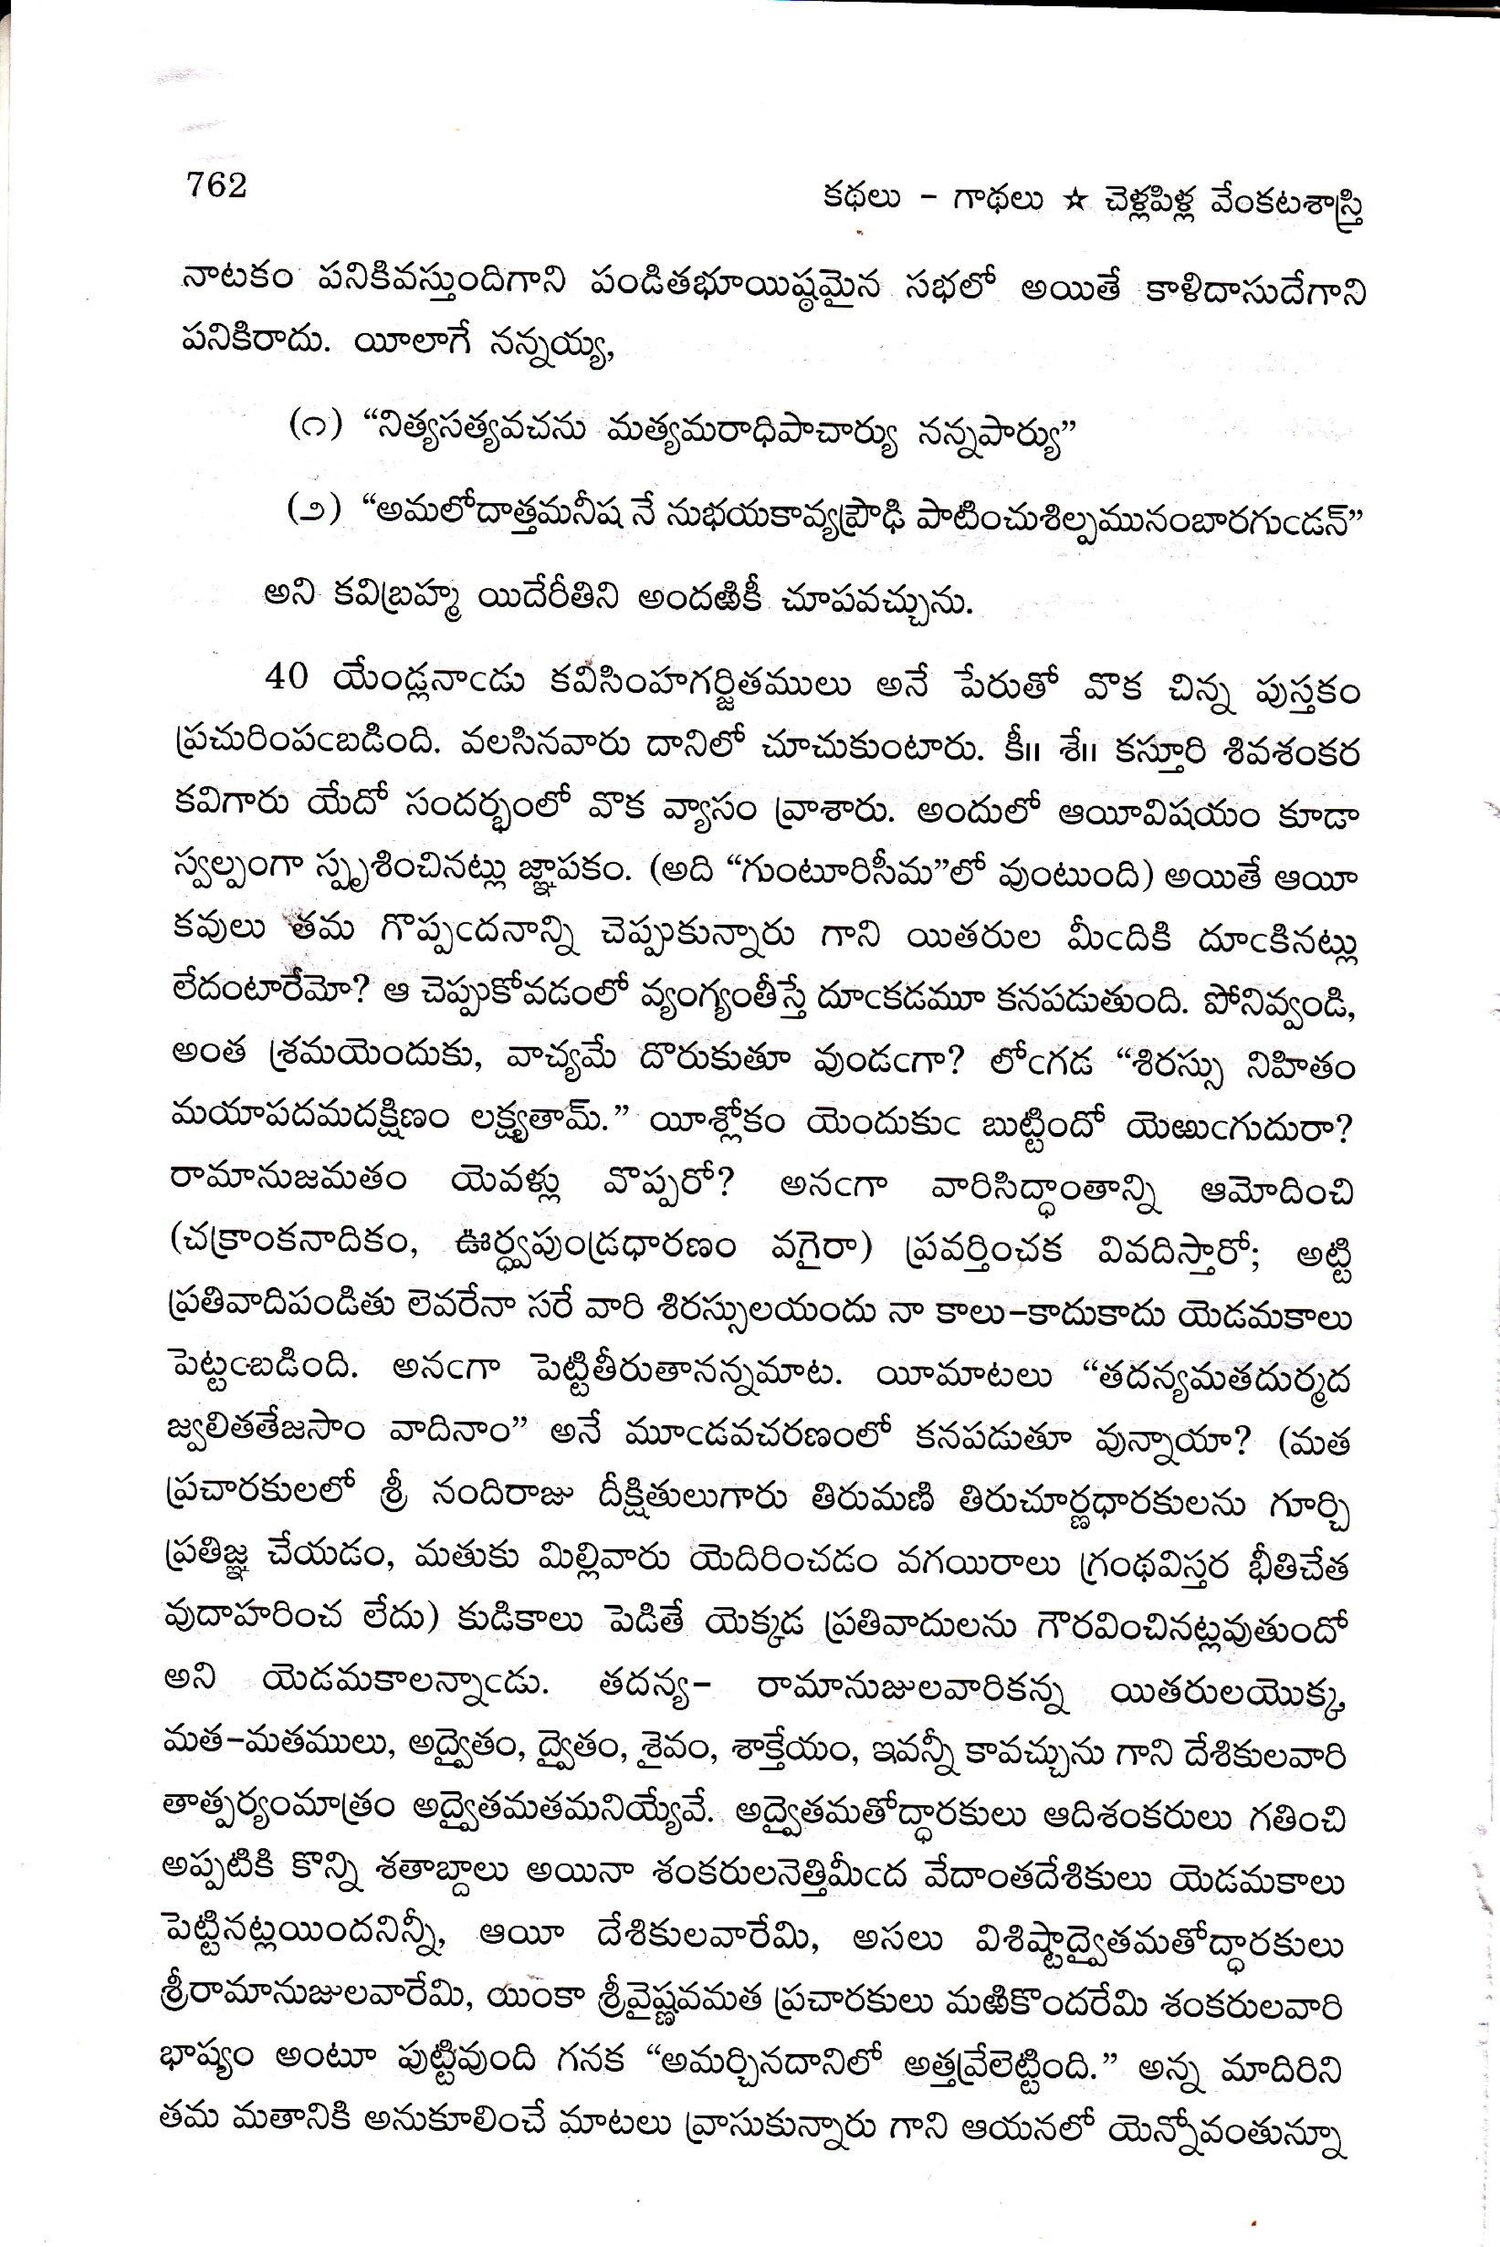నాటకం పనికివస్తుందిగాని పండితభూయిష్ఠమైన సభలో అయితే కాళిదాసుదేగాని పనికిరాదు. యీలాగే నన్నయ్య,

(1) "నిత్యసత్యవచను మత్యమరాధిపాచార్యు నన్నపార్యు" 

(2) "అమలోదాత్తమనీష నే నుభయకావ్యప్రౌఢి పాటించుశిల్పమునంబారగుఁడన్" 

అని కవిబ్రహ్మ యిదేరీతిని అందఱికీ చూపవచ్చును.

40 యేండ్లనాఁడు కవిసింహగర్జితములు అనే పేరుతో వొక చిన్న పుస్తకం ప్రచురింపఁబడింది. వలసినవారు దానిలో చూచుకుంటారు. కీ|| శే|| కస్తూరి శివశంకర కవిగారు యేదో సందర్భంలో వొక వ్యాసం వ్రాశారు. అందులో ఆయీవిషయం కూడా స్వల్పంగా స్పృశించినట్లు జ్ఞాపకం. (అది "గుంటూరిసీమ"లో వుంటుంది) అయితే ఆయీ కవులు తమ గొప్పఁదనాన్ని చెప్పుకున్నారు గాని యితరుల మీఁదికి దూఁకినట్లు లేదంటారేమో? ఆ చెప్పుకోవడంలో వ్యంగ్యంతీస్తే దూఁకడమూ కనపడుతుంది. పోనివ్వండి, అంత శ్రమయెందుకు, వాచ్యమే దొరుకుతూ వుండఁగా? లోఁగడ "శిరస్సు నిహితం మయాపదమదక్షిణం లక్ష్యతామ్." యీశ్లోకం యెందుకుఁ బుట్టిందో యెఱుఁగుదురా? రామానుజమతం యెవళ్లు వొప్పరో? అనఁగా వారిసిద్ధాంతాన్ని ఆమోదించి (చక్రాంకనాదికం, ఊర్ధ్వపుండ్రధారణం వగైరా) ప్రవర్తించక వివదిస్తారో; అట్టి ప్రతివాదిపండితు లెవరేనా సరే వారి శిరస్సులయందు నా కాలు-కాదుకాదు యెడమకాలు పెట్టఁబడింది. అనఁగా పెట్టితీరుతానన్నమాట. యీమాటలు “తదన్యమతదుర్మద జ్వలితతేజసాం వాదినాం” అనే మూఁడవచరణంలో కనపడుతూ వున్నాయా? (మత ప్రచారకులలో శ్రీ నందిరాజు దీక్షితులుగారు తిరుమణి తిరుచూర్ణధారకులను గూర్చి ప్రతిజ్ఞ చేయడం, మతుకు మిల్లివారు యెదిరించడం వగయిరాలు గ్రంథవిస్తర భీతిచేత వుదాహరించ లేదు) కుడికాలు పెడితే యెక్కడ ప్రతివాదులను గౌరవించినట్లవుతుందో అని యెడమకాలన్నాఁడు. తదన్య- రామానుజులవారికన్న యితరులయొక్క మత-మతములు, అద్వైతం, ద్వైతం, శైవం, శాక్తేయం, ఇవన్నీ కావచ్చును గాని దేశికులవారి తాత్పర్యంమాత్రం అద్వైతమతమనియ్యేవే. అద్వైతమతోద్ధారకులు ఆదిశంకరులు గతించి అప్పటికి కొన్ని శతాబ్దాలు అయినా శంకరులనెత్తిమీఁద వేదాంతదేశికులు యెడమకాలు పెట్టినట్లయిందనిన్నీ, ఆయీ దేశికులవారేమి, అసలు విశిష్టాద్వైతమతోద్ధారకులు శ్రీరామానుజులవారేమి, యింకా శ్రీవైష్ణవమత ప్రచారకులు మఱికొందరేమి శంకరులవారి భాష్యం అంటూ పుట్టివుంది గనక "అమర్చినదానిలో అత్తవ్రేలెట్టింది." అన్న మాదిరిని తమ మతానికి అనుకూలించే మాటలు వ్రాసుకున్నారు గాని ఆయనలో యెన్నోవంతున్నూ